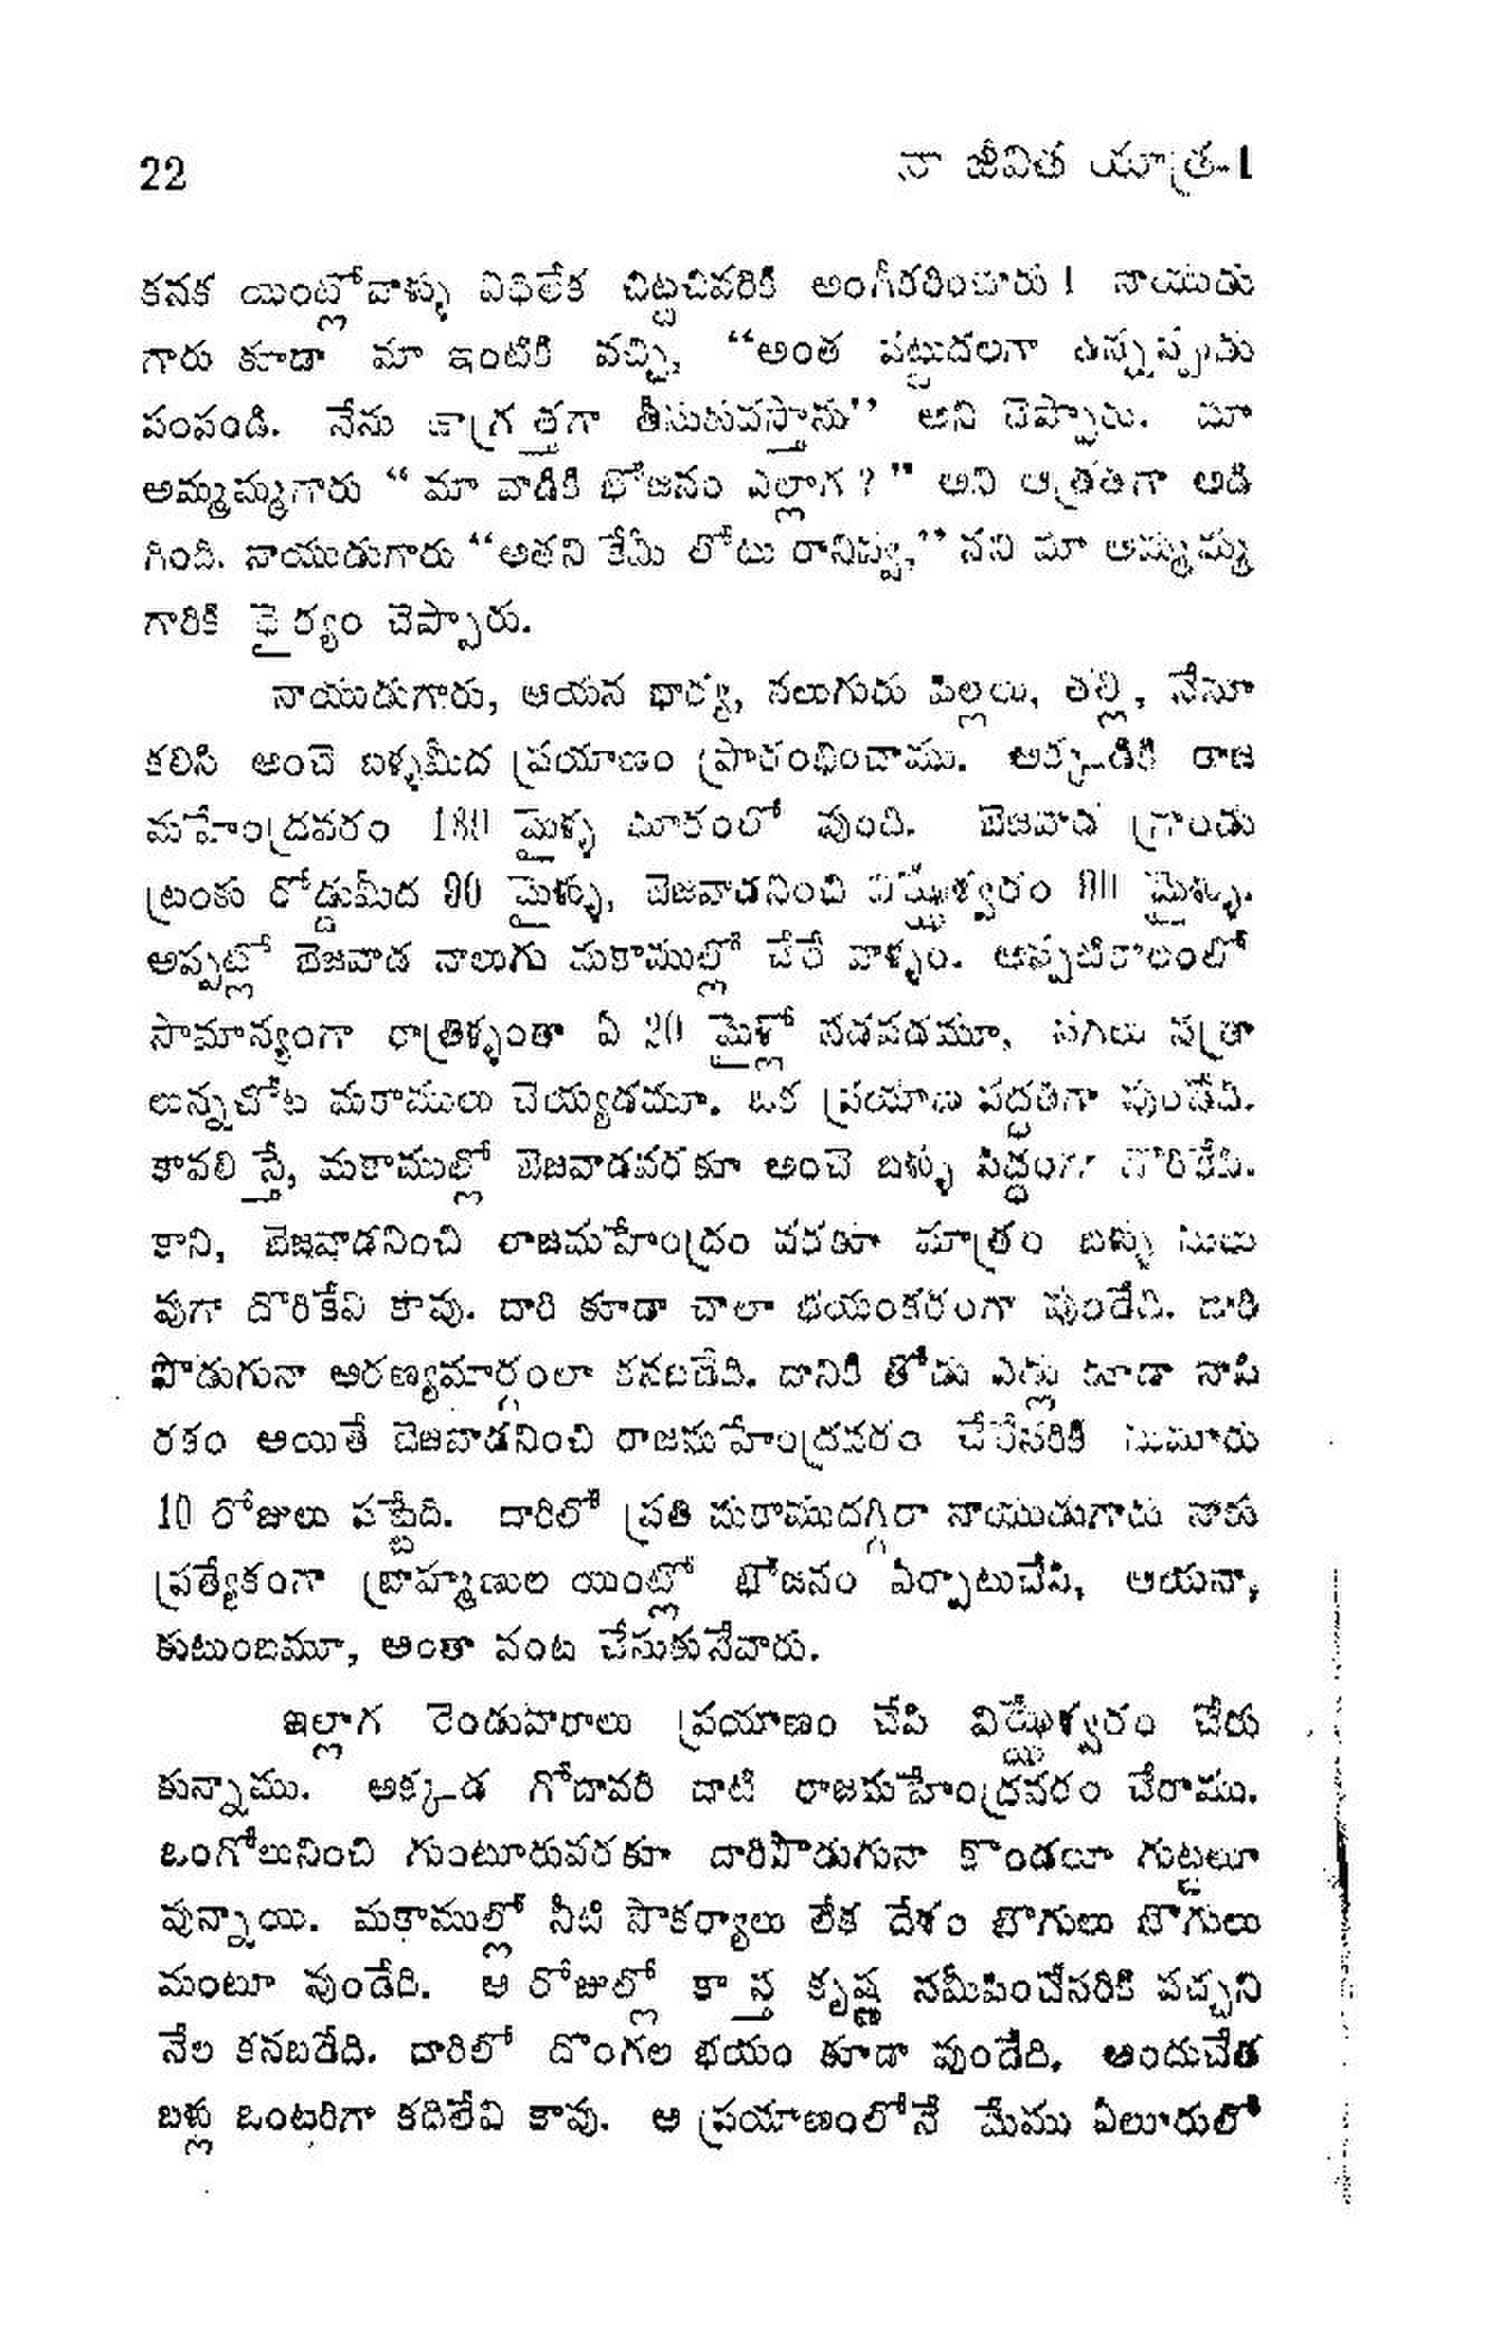ఆగినప్పుడు నాయుడుగారు నాకు రత్నకంబళ్ళ నేత చూపించారు. అప్పుడే జాగ్రఫీ పుస్తకాలలో "ఏలూరు రత్నకంబళ్ళకి ప్రసిద్ధి" అని చదువుకున్నాము. ఆయన అది చూపించడానికి నన్ను సత్రం వెనకాలవున్న రత్నకంబళ్ళు నేసేవాళ్ళ యిళ్ళకి తీసుకువెళ్ళారు. అనేకులు - అందులో ముఖ్యంగా మహమ్మదీయులు - ఈ వృత్తి వల్ల జీవించేవారు. ఆ రోజుల్లో ఆ వ్యాపారం మంచి వృద్ధిలో వుండేది.

రాజమహేంద్రవరం చేరడానికి పడవప్రయాణం చేస్తూన్నప్పుడే నా హృదయం ఉత్సాహంతో ఉప్పొంగింది. ఆ నది వైశాల్యమూ, గాంభీర్యమూ నన్ను వివశుణ్ణి చేశాయి. రాజమహేంద్రవరంలో దిగుతూవుండగానే - ఆ రోజుల్లో ఆ పట్టణపు ఐశ్వర్యం సూచించే కలప కార్ఖానాలు, పడవలమీద దిగిన బస్తాల గుట్టలూ - కనిపించాయి. అక్కడే కొత్త పడవల నిర్మాణాలూ, పాతపడవల మరమ్మతులూ కూడా జరుగుతూ వున్నాయి. రాజమహేంద్రవరంలో దిగేసరికి మా నాయుడుగారి దగ్గర చదువుకున్న ఇతిహాసమూ, రాజరాజనరేంద్రుడి చరిత్రా, సారంగధరుడి కథా, భారతం రచించిన కవుల గాథలూ, ఇత్యాదులన్నీ స్ఫురణకి వచ్చాయి. వేసవికాలం సెలవలు గడవడం తోనే వెళ్ళిపోదామనే సంకల్పంలో ఉండడంవల్ల నాయుడుగారు నాకు ఆ ఊళ్ళోవున్న ముఖ్యమైన ప్రదేశాలన్నీ చూపించారు.

సారంగధరుడి మెట్ట, దానిమీద కాళ్ళు నరకబడిన సారంగధరుడి శిల, చిత్రాంగి మేడ, రత్నాంగి మేడ, పావురం వాలినచోటు, మొదలైనవన్నీ చూపించారు. కోటిలింగాల క్షేత్రం దగ్గరకి తీసుకువెళ్ళి, ఆ లింగాలన్నీ చూపించారు. నేను అవన్నీ లెక్కపెట్టడం ప్రారంభించి, "కోటీ లేవేమి?" అని నాయుడుగారిని అడిగాను. ఆయన అవన్నీ ఒకప్పుడు వుండేవనీ, క్రమంగా కరిగిపోయి నదీ గర్భంలో జీర్ణమయి వుంటాయనీ చెప్పారు. మేము రాజమహేంద్రవరం చేరిన కొద్దిరోజులకి కాలవలు వదలడం వల్ల రహదారీ పడవల మీద రామచంద్రపురం, అమలాపురం, మొదలైన గ్రామాల్లో వున్న నాయుడుగారి చుట్టాల ఇళ్ళకి వెళ్ళాము. ఆ పడవప్రయాణాలు చాలా